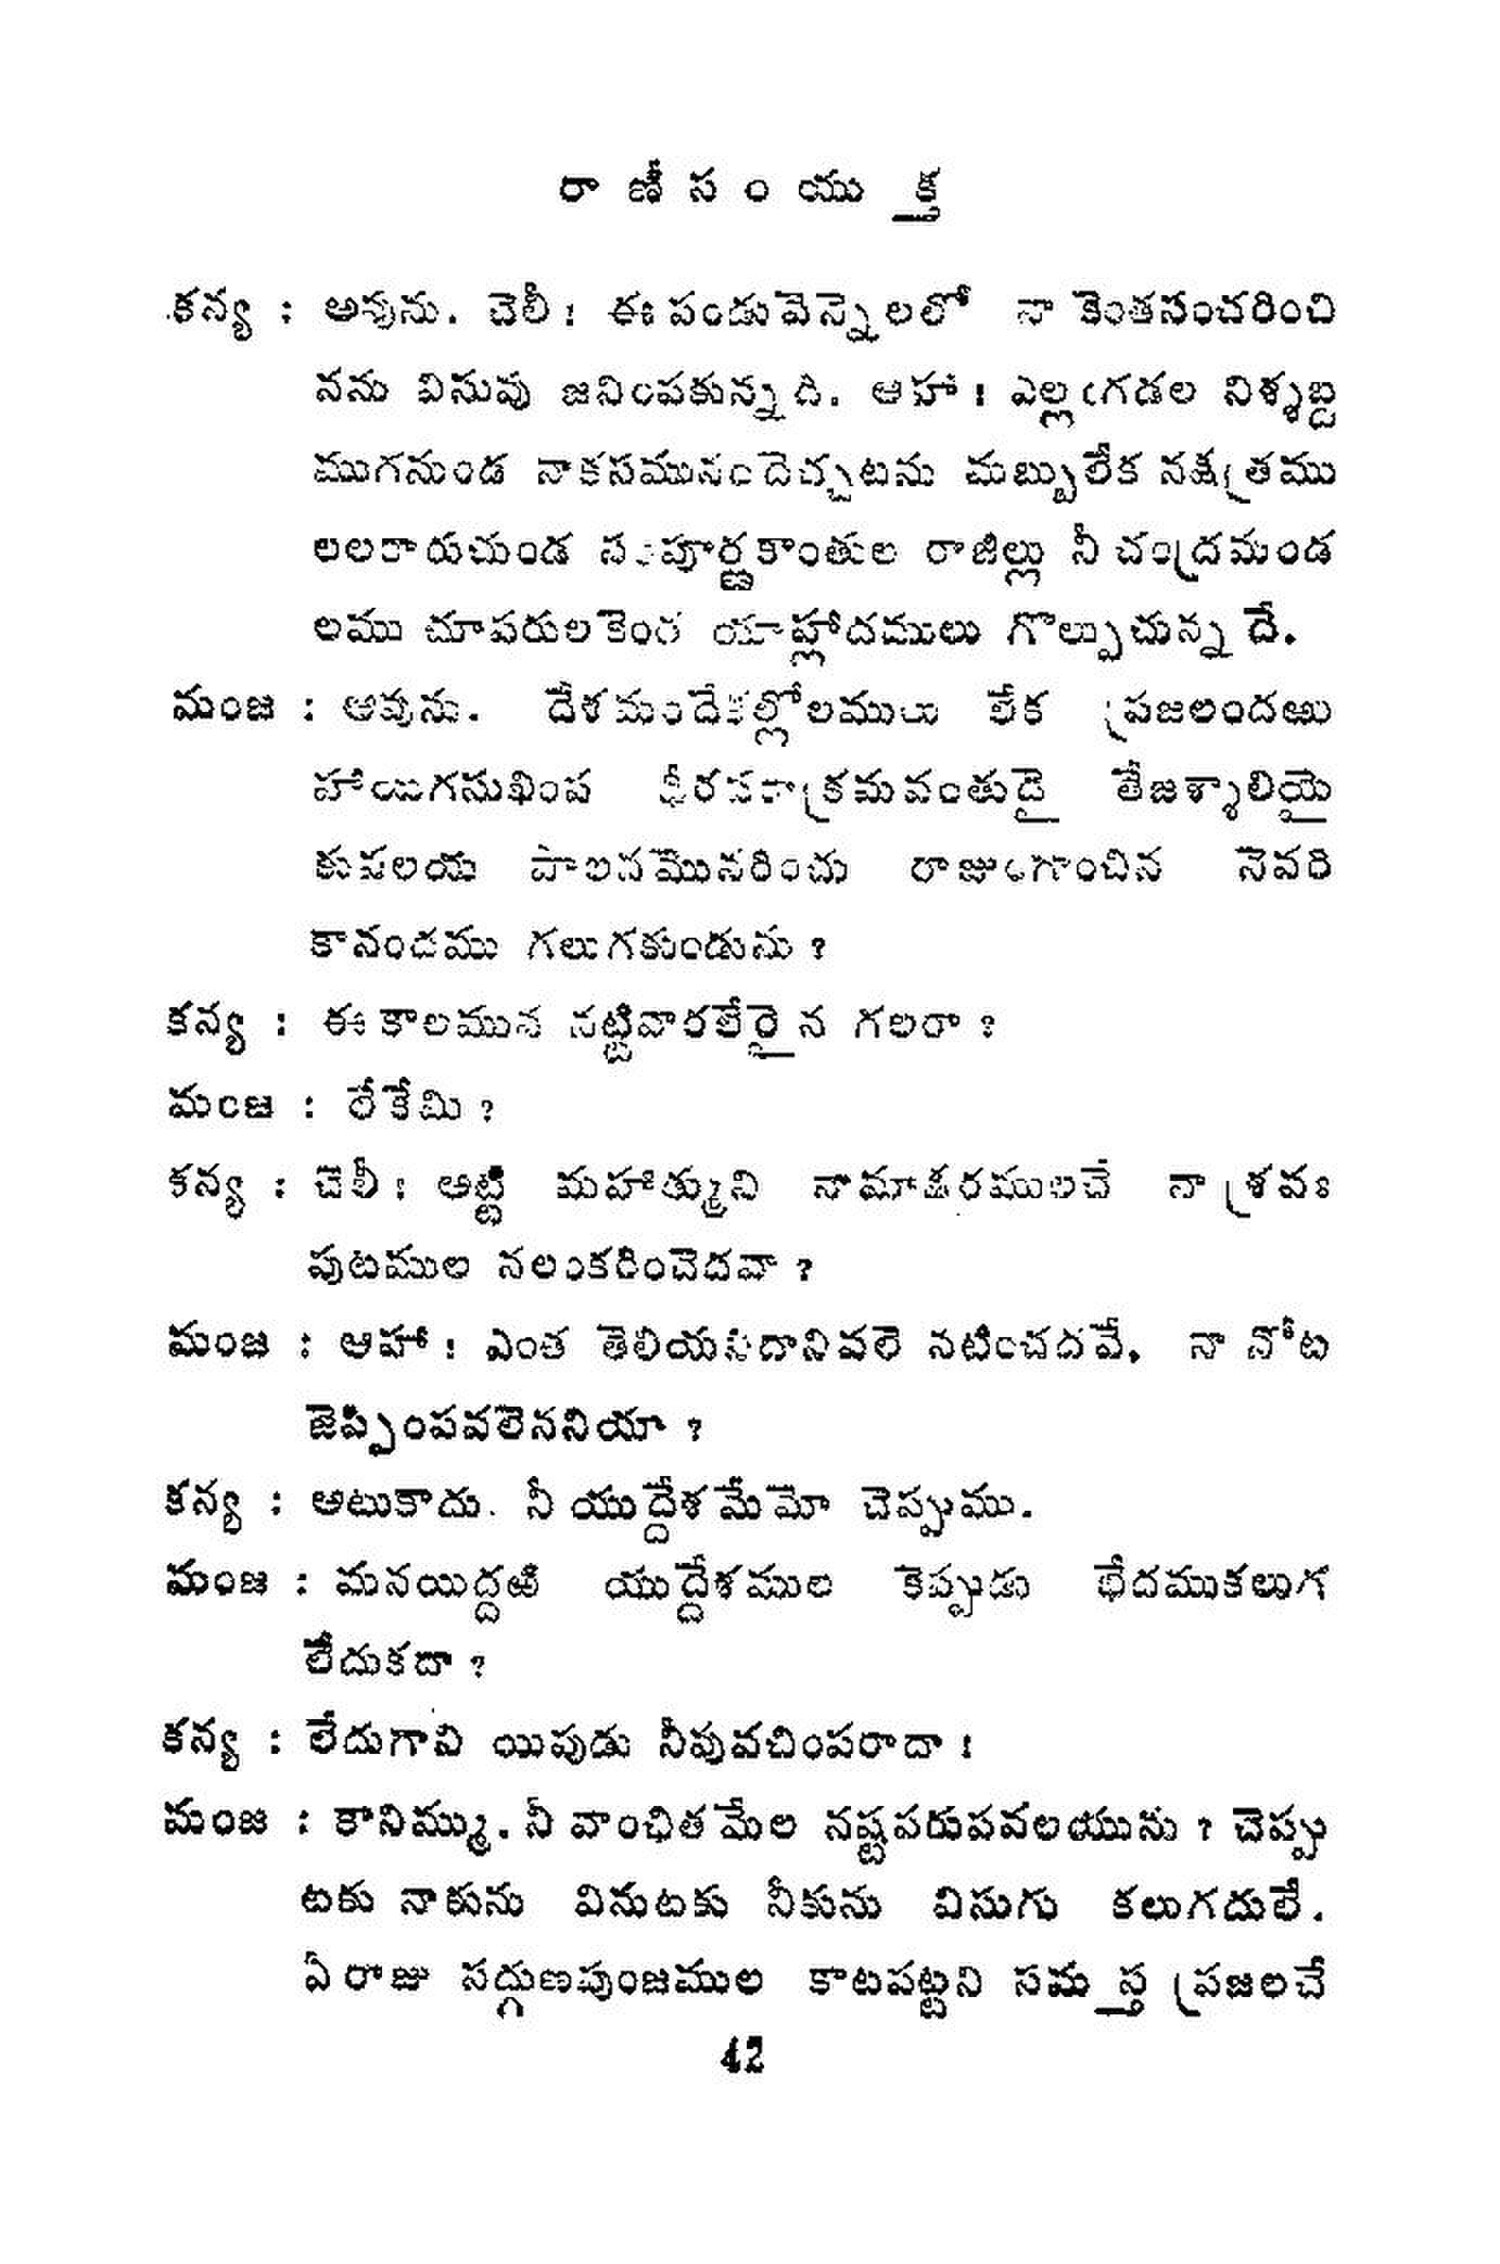కన్య : అవును. చెలీ ! ఈపండువెన్నెలలో నా కెంతసంచరించినను విసువు జనింపకున్నది. ఆహా ! ఎల్లఁగడల నిశ్శబ్దముగనుండ నాకసమునందెచ్చటను మబ్బులేక నక్షత్రము లలరారుచుండ సంపూర్ణకాంతుల రాజిల్లు నీ చంద్రమండలము చూపరుల కెంత యాహ్లాదములు గొల్పుచున్న దే. 

మంజ : అవును. దేశమందేకల్లోలములు లేక ప్రజలందఱు హాయిగసుఖింప ధీరపరాక్రమవంతుడై తేజశ్శాలియై కువలయ పాలనమొనరించు రాజుగాంచిన నెవరికానందము గలుగకుండును ? 

కన్య : ఈ కాలమున నట్టివారిలేరైన గలరా? 

మంజ :లేకేమి? 

కన్య : చెలీ : అట్టి మహాత్ముని నామాక్షరముచే నా శ్రవః పుటముల నలంకరించెదవా? 

మంజ : ఆహా ! ఎంత తెలియనిదానివలె నటించదవే, నా నోటజెప్పింపవలెననియా?

కన్య : అటుకాదు. నీ యుద్దేశమేమో చెప్పుము. 

మంజ : మనయిద్దఱి యుద్దేశముల కెప్పుడు భేదముకలుగ లేదుకదా? 

కన్య : లేదుగాని యిపుడు నీవువచింపరాదా ! 

మంజ : కానిమ్ము. నీ వాంఛిత మేల నష్టపరుపవలయును ? చెప్పుటకు నాకును వినుటకు నీకును విసుగు కలుగదులే. ఏ రాజు సద్గుణపుంజముల కాటపట్టని సమస్త ప్రజలచే